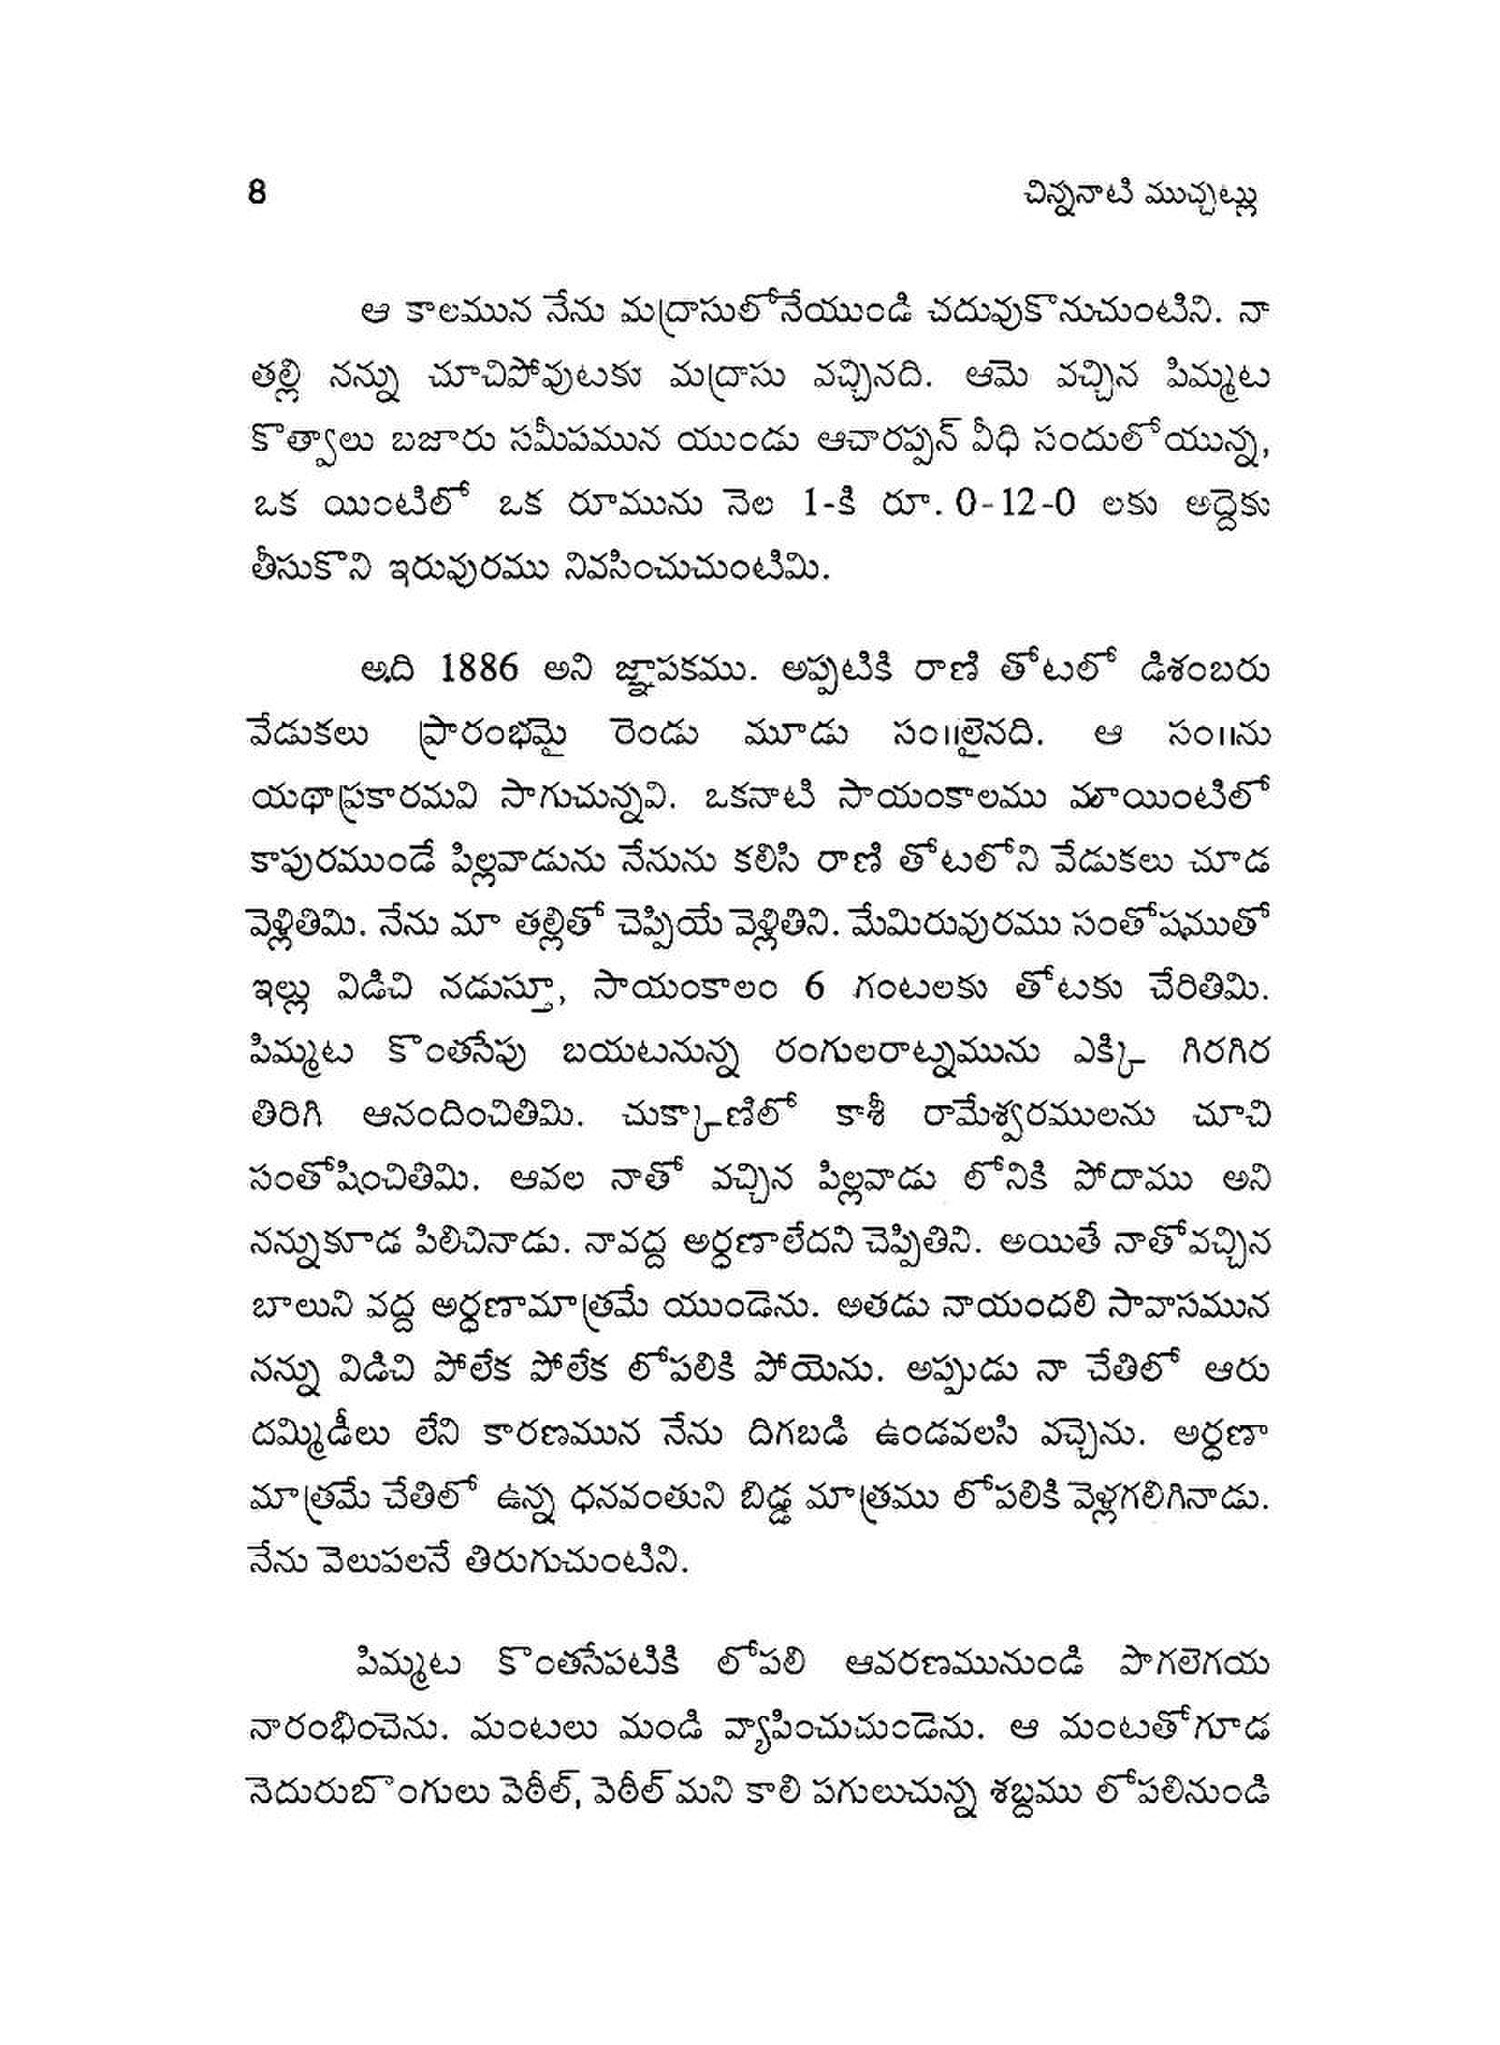ఆ కాలమున నేను మద్రాసులోనేయుండి చదువుకొనుచుంటిని. నా తల్లి నన్ను చూచిపోవుటకు మద్రాసు వచ్చినది. ఆమె వచ్చిన పిమ్మట కొత్వాలు బజారు సమీపమున యుండు ఆచారప్పన్ వీధి సందులోయున్న ఒక యింటిలో ఒక రూమును నెల 1-కి రూ. 0-12-0 లకు అద్దెకు తీసుకొని ఇరువురము నివసించుచుంటిమి.

అది 1886 అని జ్ఞాపకము. అప్పటికి రాణి తోటలో డిశంబరు వేడుకలు ప్రారంభమై రెండు మూడు సం||లైనది. ఆ సం౹౹ను యథాప్రకారమవి సాగుచున్నవి. ఒకనాటి సాయంకాలము మాయింటిలో కాపురముండే పిల్లవాడును నేనును కలిసి రాణి తోటలోని వేడుకలు చూడ వెళ్లితిమి. నేను మా తల్లితో చెప్పియే వెళ్లితిని. మేమిరువురము సంతోషముతో ఇల్లు విడిచి నడుస్తూ, సాయంకాలం 6 గంటలకు తోటకు చేరితిమి. పిమ్మట కొంతసేపు బయటనున్న రంగులరాట్నమును ఎక్కి గిరగిర తిరిగి ఆనందించితిమి. చుక్కాణిలో కాశీ రామేశ్వరములను చూచి సంతోషించితిమి. ఆవల నాతో వచ్చిన పిల్లవాడు లోనికి పోదాము అని నన్నుకూడ పిలిచినాడు. నావద్ద అర్ధణాలేదని చెప్పితిని. అయితే నాతో వచ్చిన బాలుని వద్ద అర్ధణామాత్రమే యుండెను. అతడు నాయందలి సావాసమున నన్ను విడిచి పోలేక పోలేక లోపలికి పోయెను. అప్పడు నా చేతిలో ఆరు దమ్మిడీలు లేని కారణమున నేను దిగబడి ఉండవలసి వచ్చెను. అర్ధణా మాత్రమే చేతిలో ఉన్న ధనవంతుని బిడ్డ మాత్రము లోపలికి వెళ్లగలిగినాడు. నేను వెలుపలనే తిరుగుచుంటిని.

పిమ్మట కొంతసేపటికి లోపలి ఆవరణమునుండి పొగలెగయ నారంభించెను. మంటలు మండి వ్యాపించుచుండెను. ఆ మంటతో గూడ నెదురుబొంగులు పెఠీల్, పెఠీల్మని కాలి పగులుచున్న శబ్దము లోపలినుండి